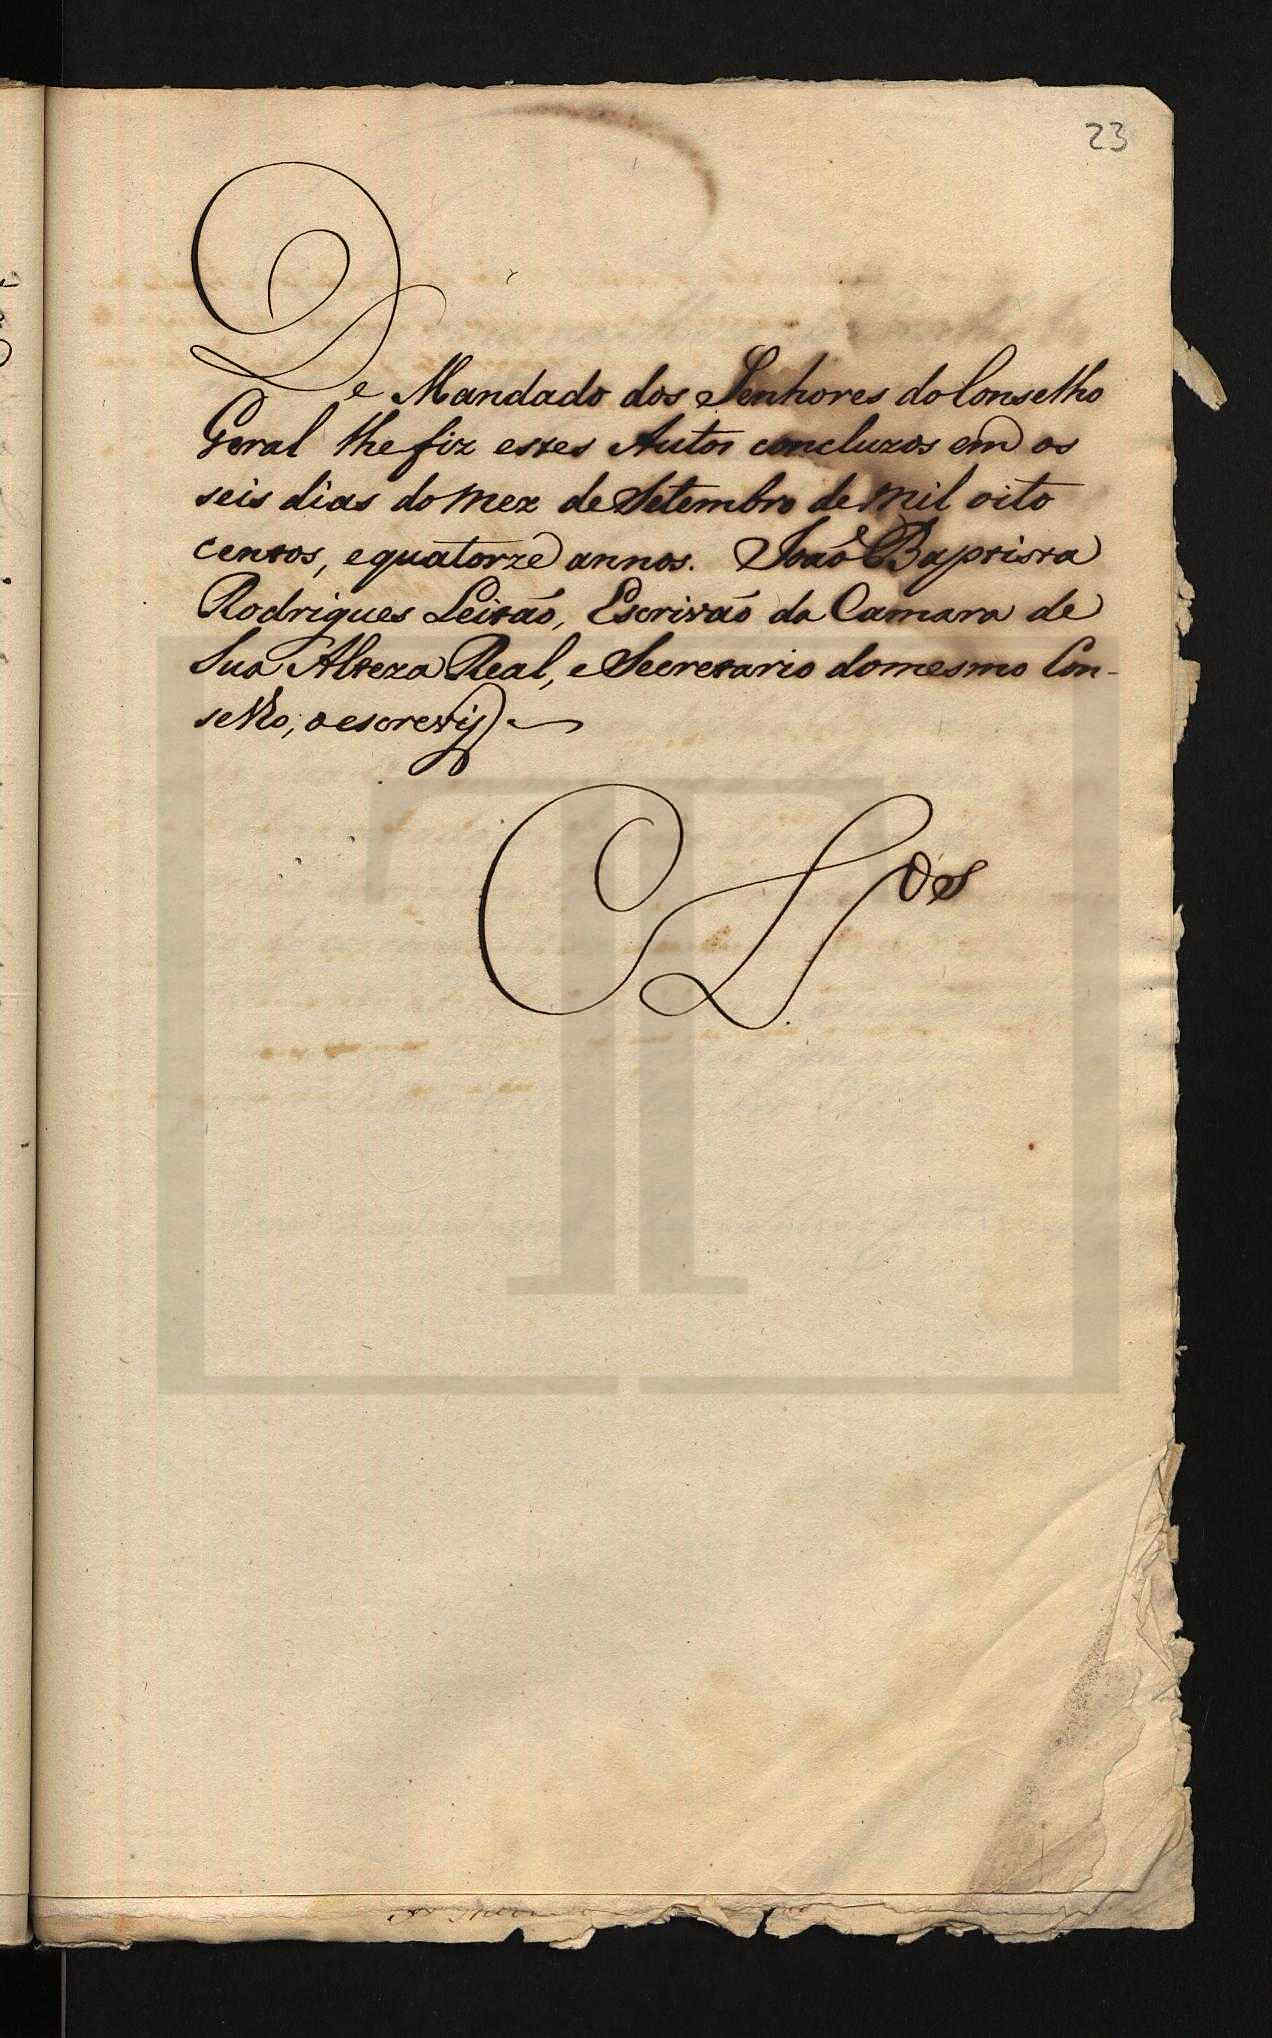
De Mandado dos Senhores do Conselho
Geral lhe fiz estes Autos concluzos em os
seis dias do mez de Setembro de mil oito
centos, e quatorze annos. Ioaõ Baptista
Rodrigues Leitaõ, Escrivaõ da Camara de
Sua Alteza Real, e Secretario do mesmo Con
selho, o escrevy
CL.os
